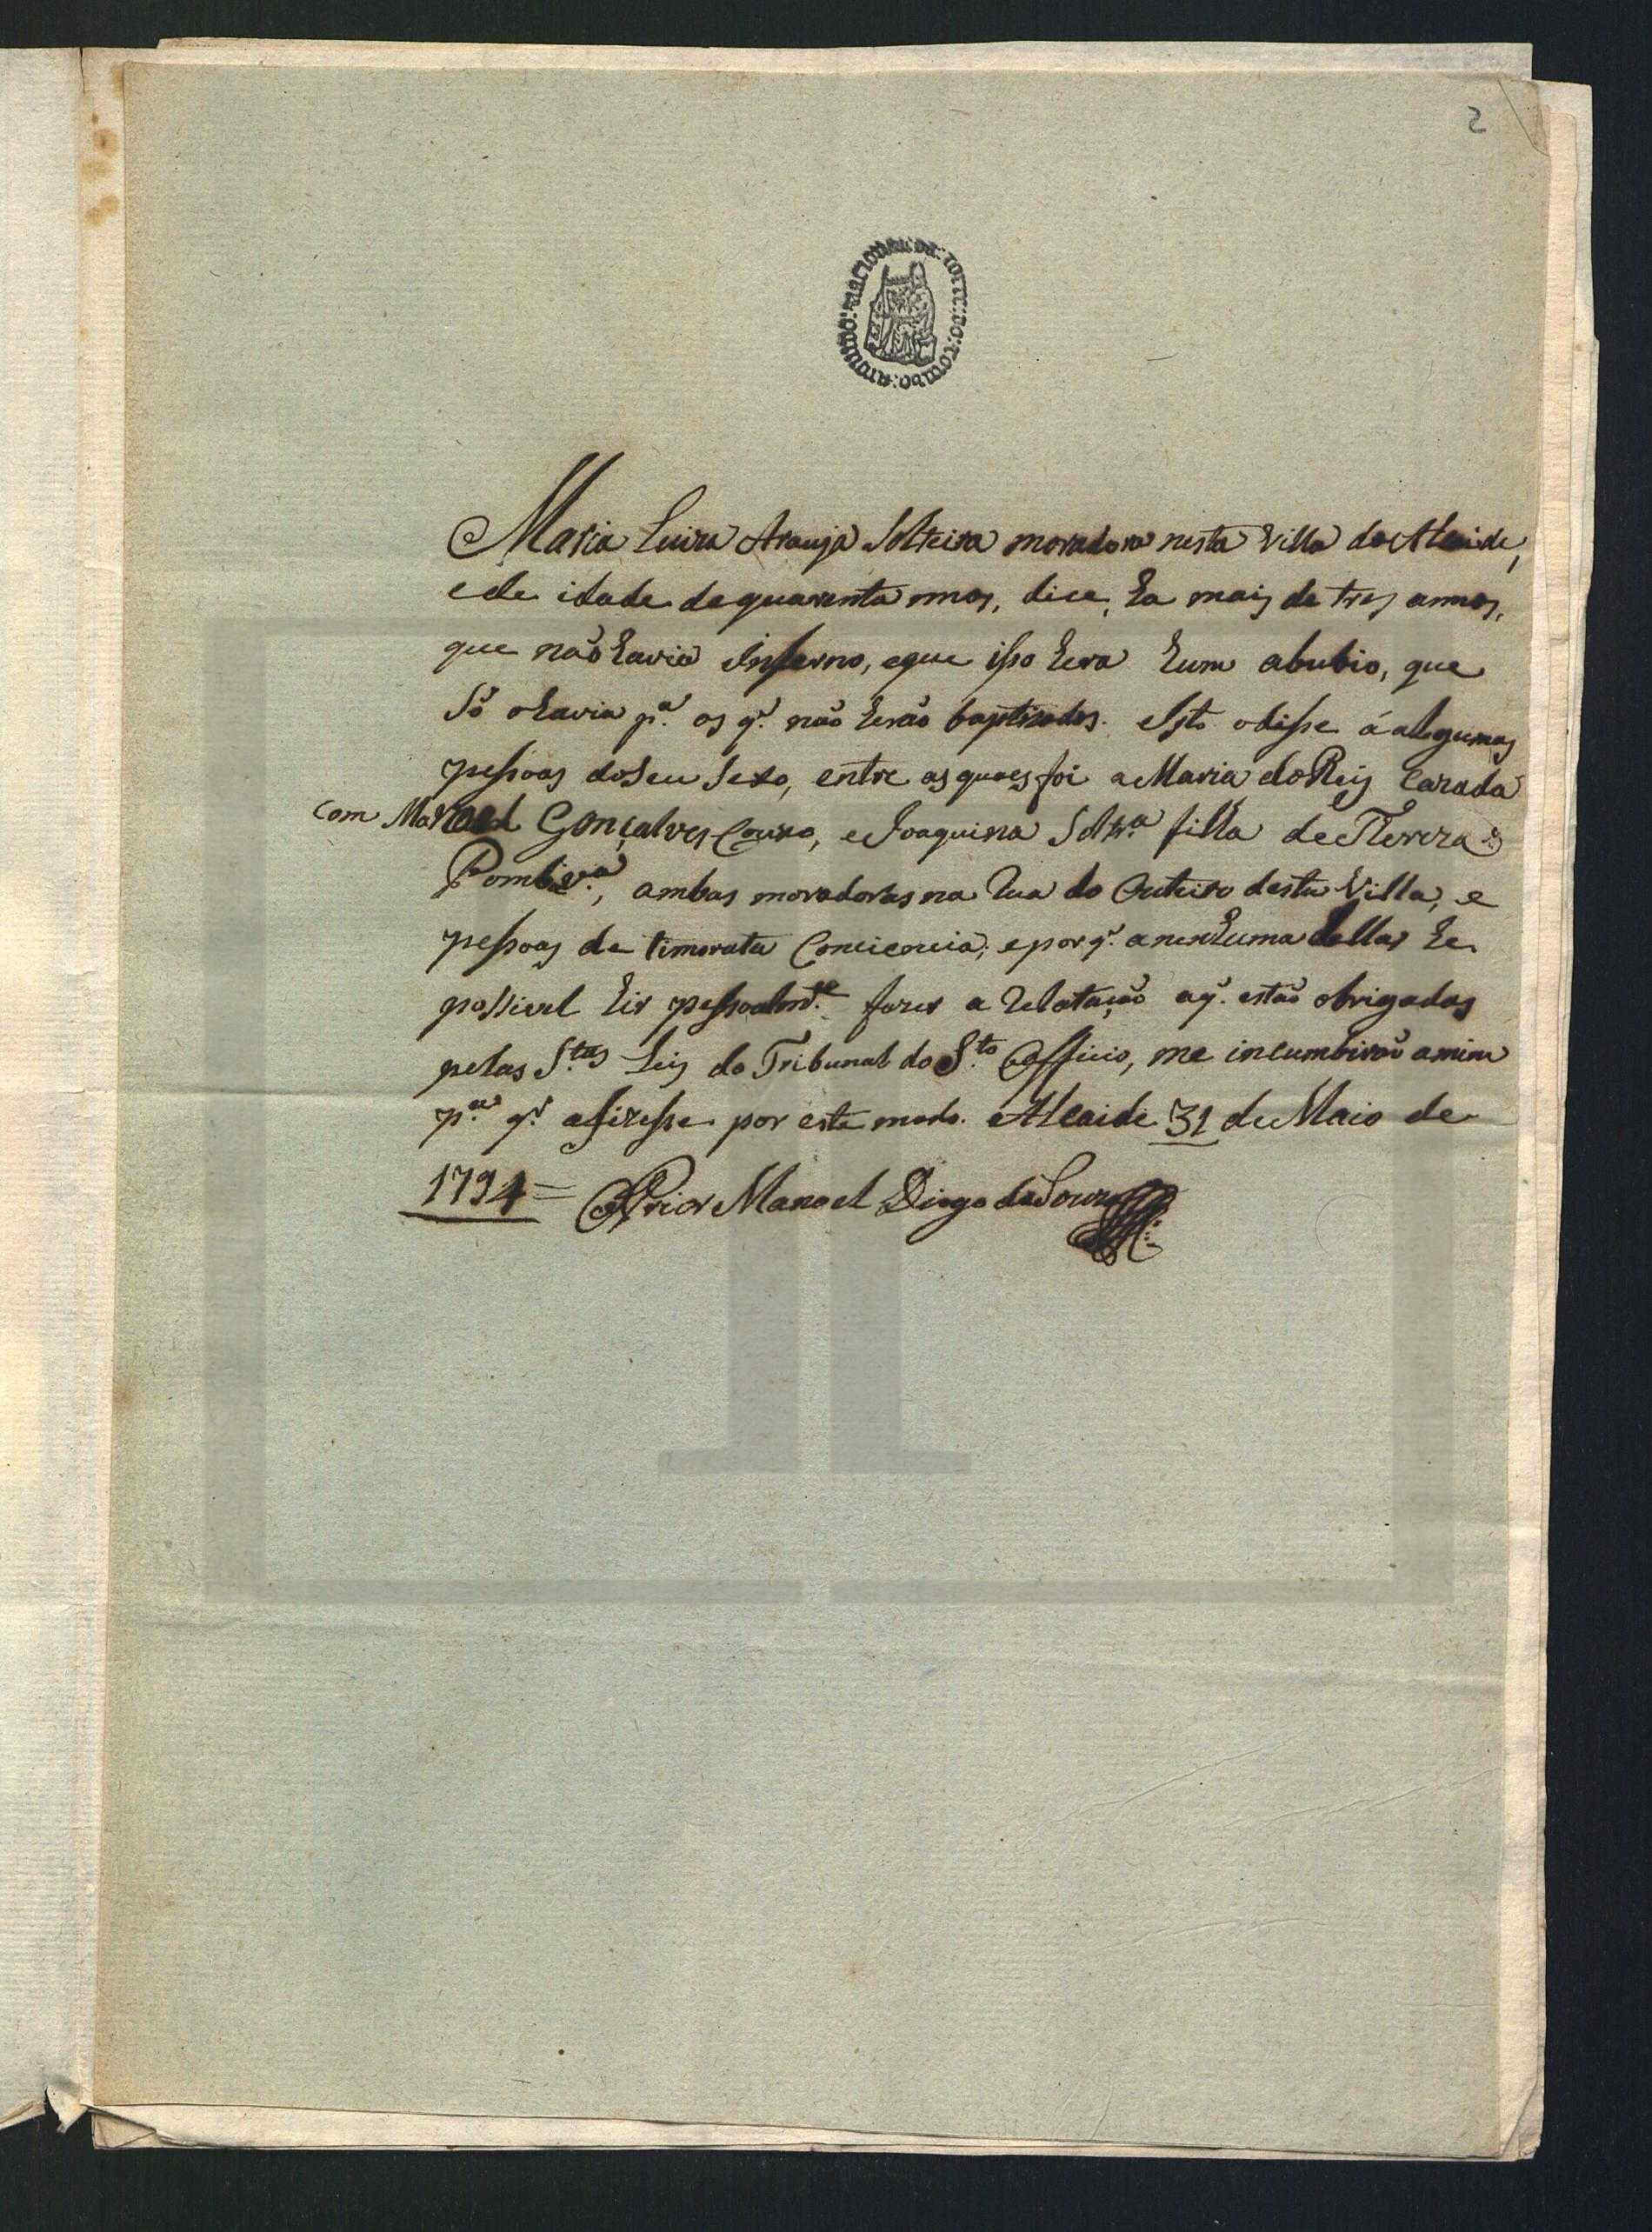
Maria Luiza Arauja Solteira moradora nesta Villa do Alcaide,
e de idade de quarenta nnos, dice, ha mais de tres annos,
que naõ havia Inferno, e que isso hera hum abubio, que
só o havia p.a os q̄. naõ heraõ baptizados. Isto o disse á algumas
pessoas do seu sexo, entre as quaes foi a Maria do Reis cazada
com Manoel Gonçalves Couxo, e Ioaquina Soltr.a filha de Thereza
Pomba v.a, ambas moradoras na Rua do Outeiro desta Villa, e
pessoas de timorata Conciencia; e porq̄. a nenhuma dellas he
possivel hir pessoalm.te fazer a Relataçaõ a q̄ estaõ obrigadas
pelas S.tas Leis do Tribunal do S.to Officio, me incumbiraõ a mim
p.a q̄. a fizesse por este modo. Alcaide 31 de Maio de
1794- O Prior Manoel Diogo da Souza
